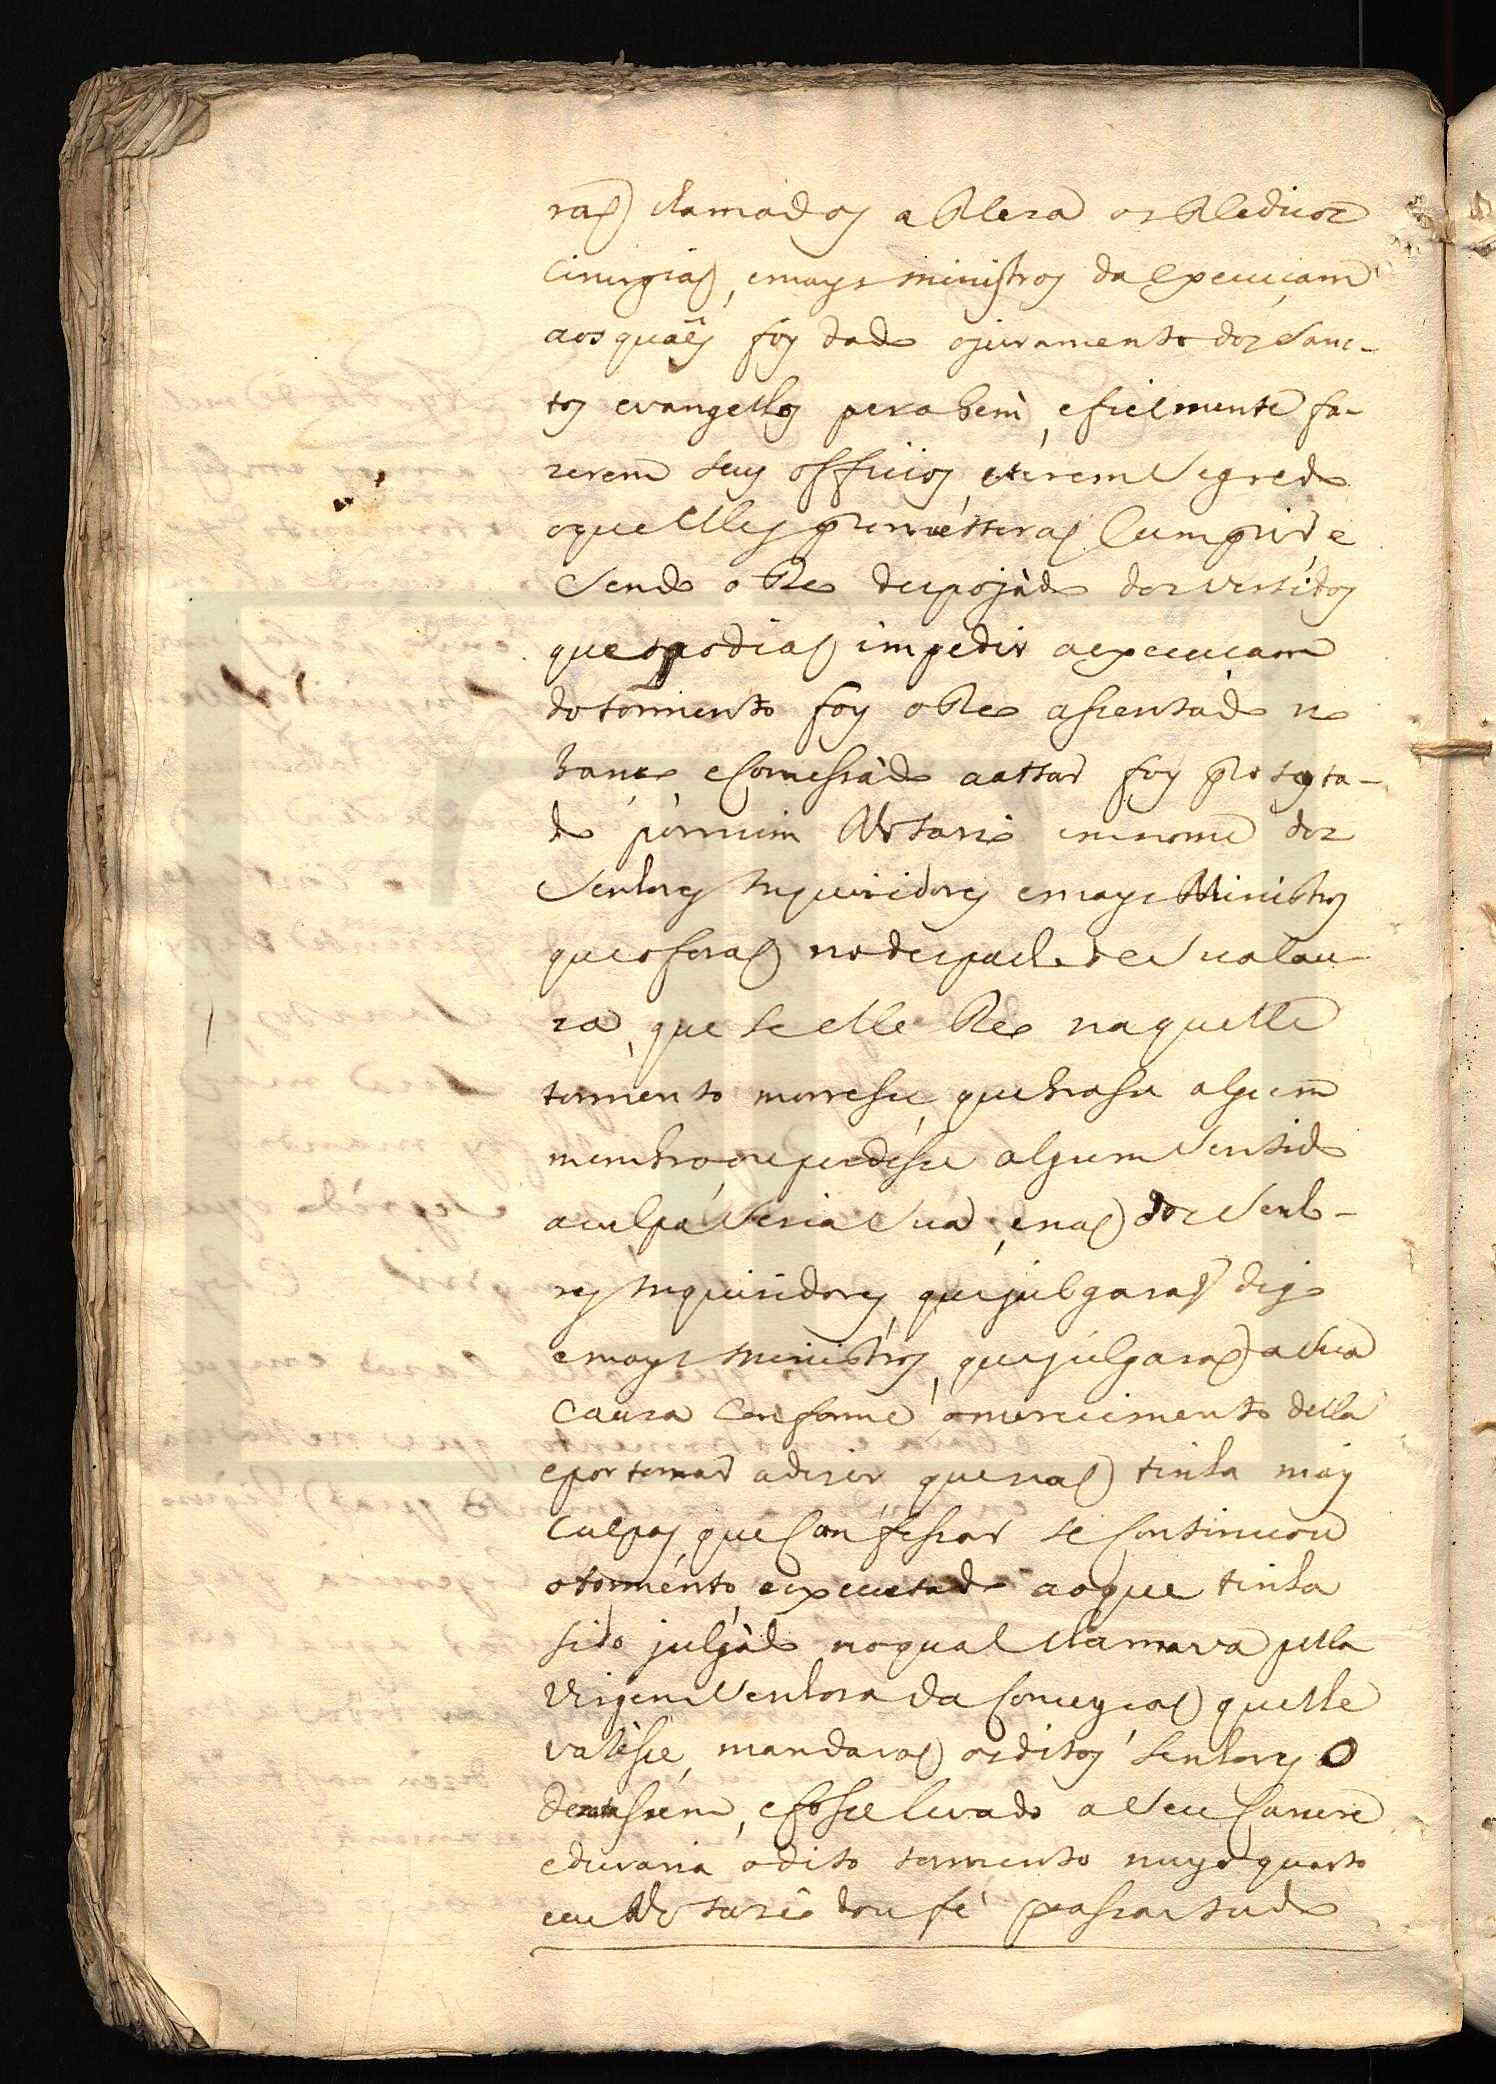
raõ chamados a Meza os Medicos
cirurgiaõ, e mays ministros da execuçam
aos quaês foy dado o juramento dos Sanc
tos evangelhos pera bem, e fielmente fa
zerem seus officios, e terem Segredo
o que elles prometteraõ Cumprir, e
Sendo o Reo despojàdo dos vestidos
que podiaõ impedir a execuçam
do tormento foy o Reo assentado no
banco, e Comessàdo a attar foy protesta
do por mim Notario em nome dos
Senhores Inquisidores e mays Ministros
que o foraõ no despacho de Sua cau
za, que se elle Reo naquelle
tormento morresse, quebrasse algum
membro, ou perdesse algum Sentido
a culpa Seria Sua, e naõ dos Senho
res Inquisidores, que julgaraõ digo
e mays ministros, que julgaraõ a Sua
cauza conforme o merecimento della
e por tornar a dizer que naõ tinha mais
culpas, que Confessar se Continuou
o tormento, e executado ao que tinha
sido julgàdo no qual chamava pella
Virgem Senhora da Conceyçaõ que lhe
valésse, mandaraõ os ditos Senhores O
dezatassem, e fosse levado a Seu Carcere
e duraria o dito tormento meyo quarto
e eu Notario dou fé passar tudo
